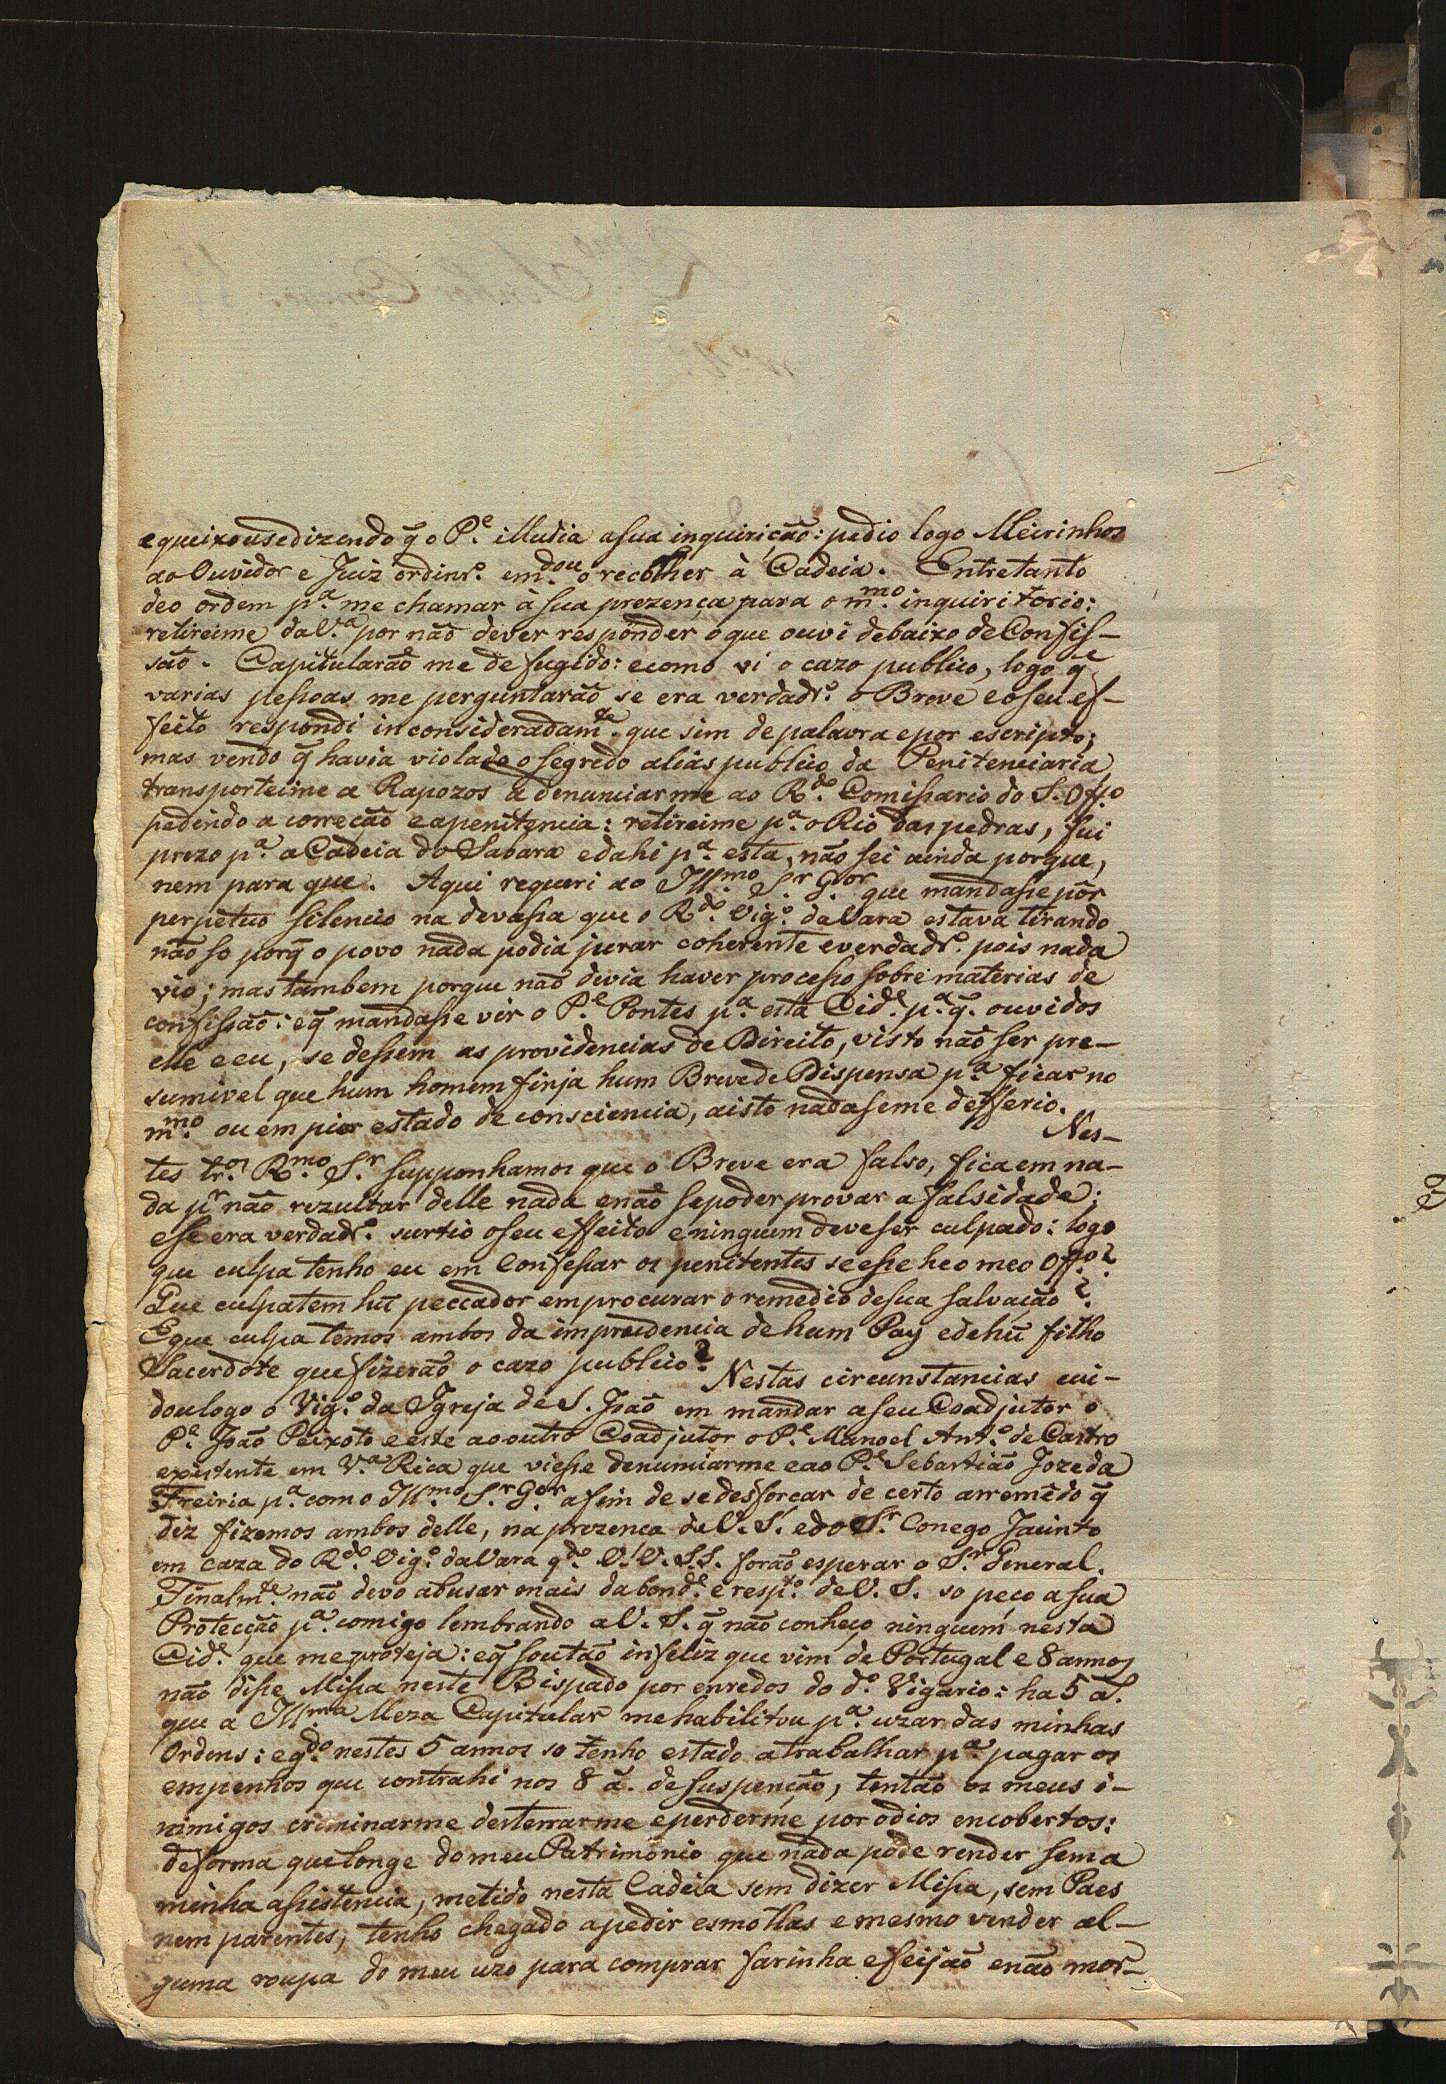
e queixouse dizendo q̄ o P.e illudia a sua inquirição padio logo Meirinhos
ao Ouvidor e Juiz ordinr.o e m.dou o recolher à Cadeia. Entretanto
deo ordem p.a me chamar à sua prezença para o mmo. inquiritorio:
retireime da V.a por não dever responder o que ouvi debaixo de Confis
são - Capitularâo me de fugido: e como vi o cazo publico, logo q̄
varias pessoas me perguntarão se era verdadr.o o Breve e o seu ef
feito respondi inconsideradamte. que sim de palavra e por escripto;
mas vendo q̄ havia violado o segredo alias publico da Penitenciaria,
transporteime a Rapozos a denunciarme ao R.do Comissario do S. Off.o
pedindo a correção e a penitencia: retireime p.a o Rio das pedras, fui
prezo p.a a Cadeia do Sabara e dahi p.a esta, não sei ainda porque,
nem para que. Aqui requeri ao Ill.mo S.r G.or que mandasse pôr
perpetuo silencio na devassa que o Rdo. Vig.o da Vara estava tirando
não so porq̄ o povo nada podia jurar coherente e verdadro. pois nada
vio; mas tambem porque não devia haver processo sobre materias de
confissão: e q̄ mandasse vir o P.e Pontes p.a esta Cid.e p.a q̄ ouvidos
elle e eu, se dessem as providencias de Direito, visto naõ ser pre-
sumível que hum homem finja hum Breve de Dispensa p.a ficar no
mmo. ou em pior estado de consciencia, a isto nada seme defferio.
Nes
tes tr.os Rmo. S.r supponhamos que o Breve era falso, fica em na
da pr não rezultar delle nada e não se poder provar a falsidade;
e se era verdadr.o surtio o seu effeito e ninguem deve ser culpado: logo
que culpa tenho eu em confessar os penitentes se esse he o meo off.o?
Que culpa tem hū peccador em procurar o remedio de sua salvação?
E que culpa temos ambos da imprudencia de hum Pay e de hū filho
Sacerdote que fizerão o cazo publico?
Nestas circunstancias cui
dou logo o Vig.o da Igreja de S. Joaõ em mandar a seu Coadjutor o
P.e João Peixoto e este ao outro Coadjutor o P.e Manoel Ant.o de Castro
existente em V.a Rica que viesse denunciarme e ao P.e Sebastiaõ Joze da
Freiria pa. com o Ill.mo S.r G.or afim de se desforçar de certo arremêdo q̄
diz fizemos ambos delle, na prezença de V. S. e do S.r conego Jacinto
em caza do Rdo. Vig.o da Vara q.do V.V. S.S. foraõ esperar o S.r General.
Finalmte. não devo abusar mais da bonde. e respto. de V.S. so peço a sua
Protecção pa. comigo lembrando a V.S. q̄ não conheço ninguem nesta
Cide. que me proteja: e q̄ sou taõ infeliz que vim de Portugal e 8 annos
não disse Missa neste Bispado por enredos do d.o Vigario: ha 5 a.s
que a Ill.ma Meza Capitular me habilitou pa. uzar das minhas
Ordens: e q.do nestes 5 annos so tenho estado a trabalhar pa. pagar os
empenhos que contrahi nos 8 as. de suspenção, tentão os meus i
nimigos criminarme desterrar-me e perderme por odios encobertos:
de forma que longe do meu Patrimonio que nada pode render sem a
minha assistencia, metido nesta Cadeia sem dizer Missa, sem Paes
nem parentes, tenho chegado a pedir esmollas e mesmo vender al
guma roupa de meu uzo para comprar farinha e feijaõ e não mor
